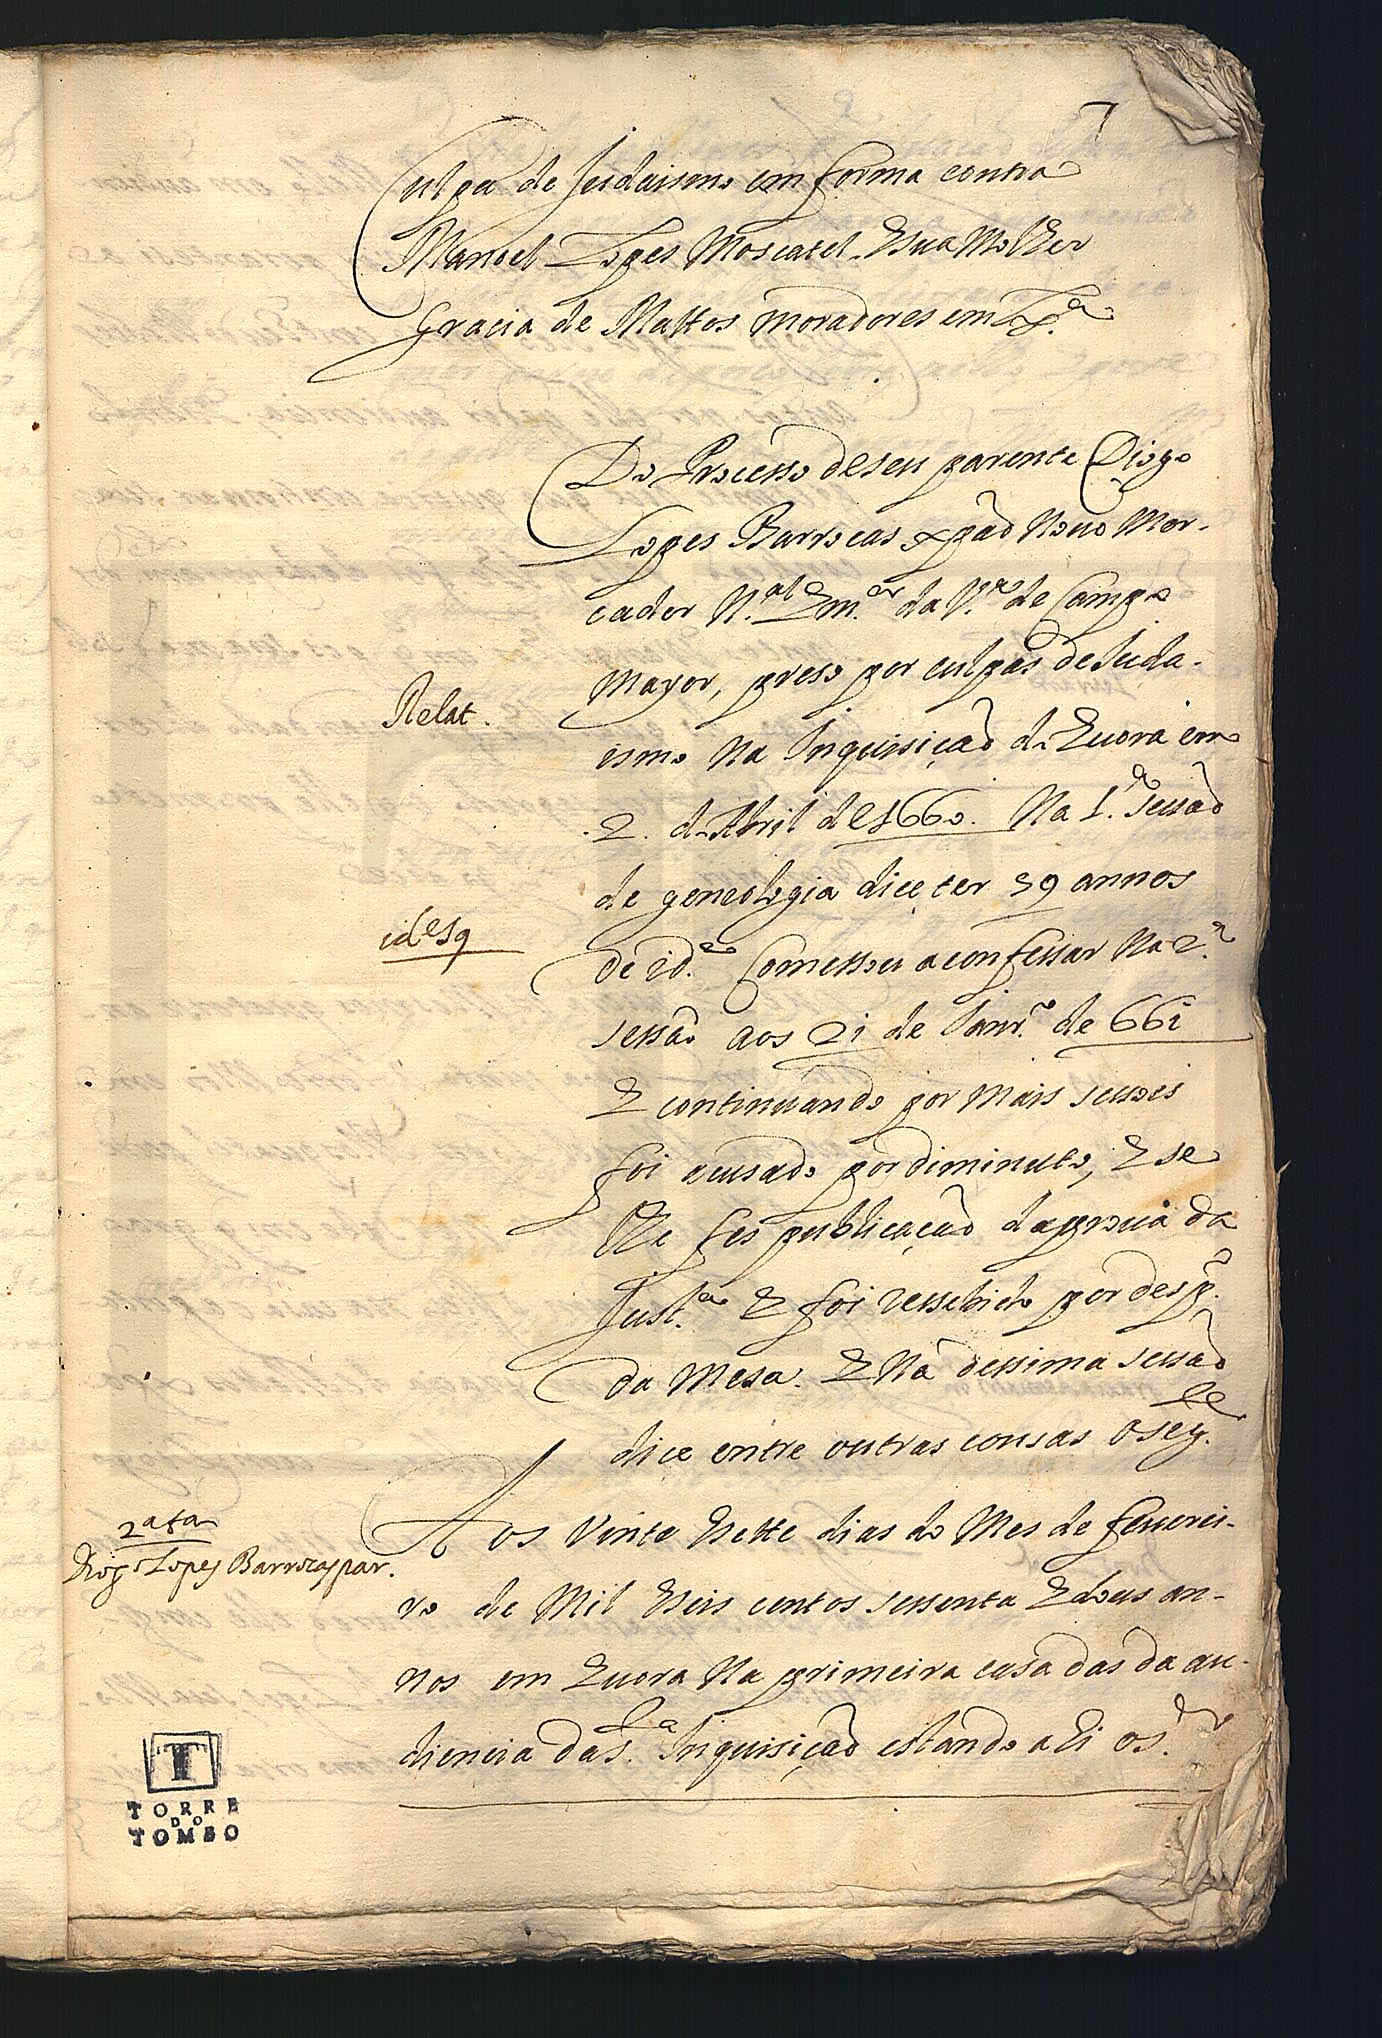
Culpa de Judaismo em forma contra
Manoel Lopes Moscatel E sua Molher
Gracia de Mattos moradores em Lx.a
Do Processo de seu parente Diogo
Lopes Barrocas xpão Nouo Mer
cador N.al E m.or da V.a de Campo
Mayor, preso por culpas de Iuda
Relat
ismo na Inquisição de Euora em
.2. de Abril de 1660. Na 1.a sessão
de geneologia dice ter 59 annos
ide 59
de id.e Comessou a confessar Na 2.a
sessão aos 2i de Ianr.o de 66i
E continuando por mais sessoes
foi acusado por diminuto, E se
lhe fes publicação da proua da
Just.a E foi ressebido por desp.o
da Mesa. E Na dessima sessão
dice entre outras cousas o segte.
Aos Vinte E sette dias do Mes de feuerei
2a ta
Diogo Lopes Barrocas par.
ro de Mil E seiscentos sessenta E dous an
nos em Euora Na primeira casa das da au
diencia da s.ta Inquisição estando ahi o s.or
